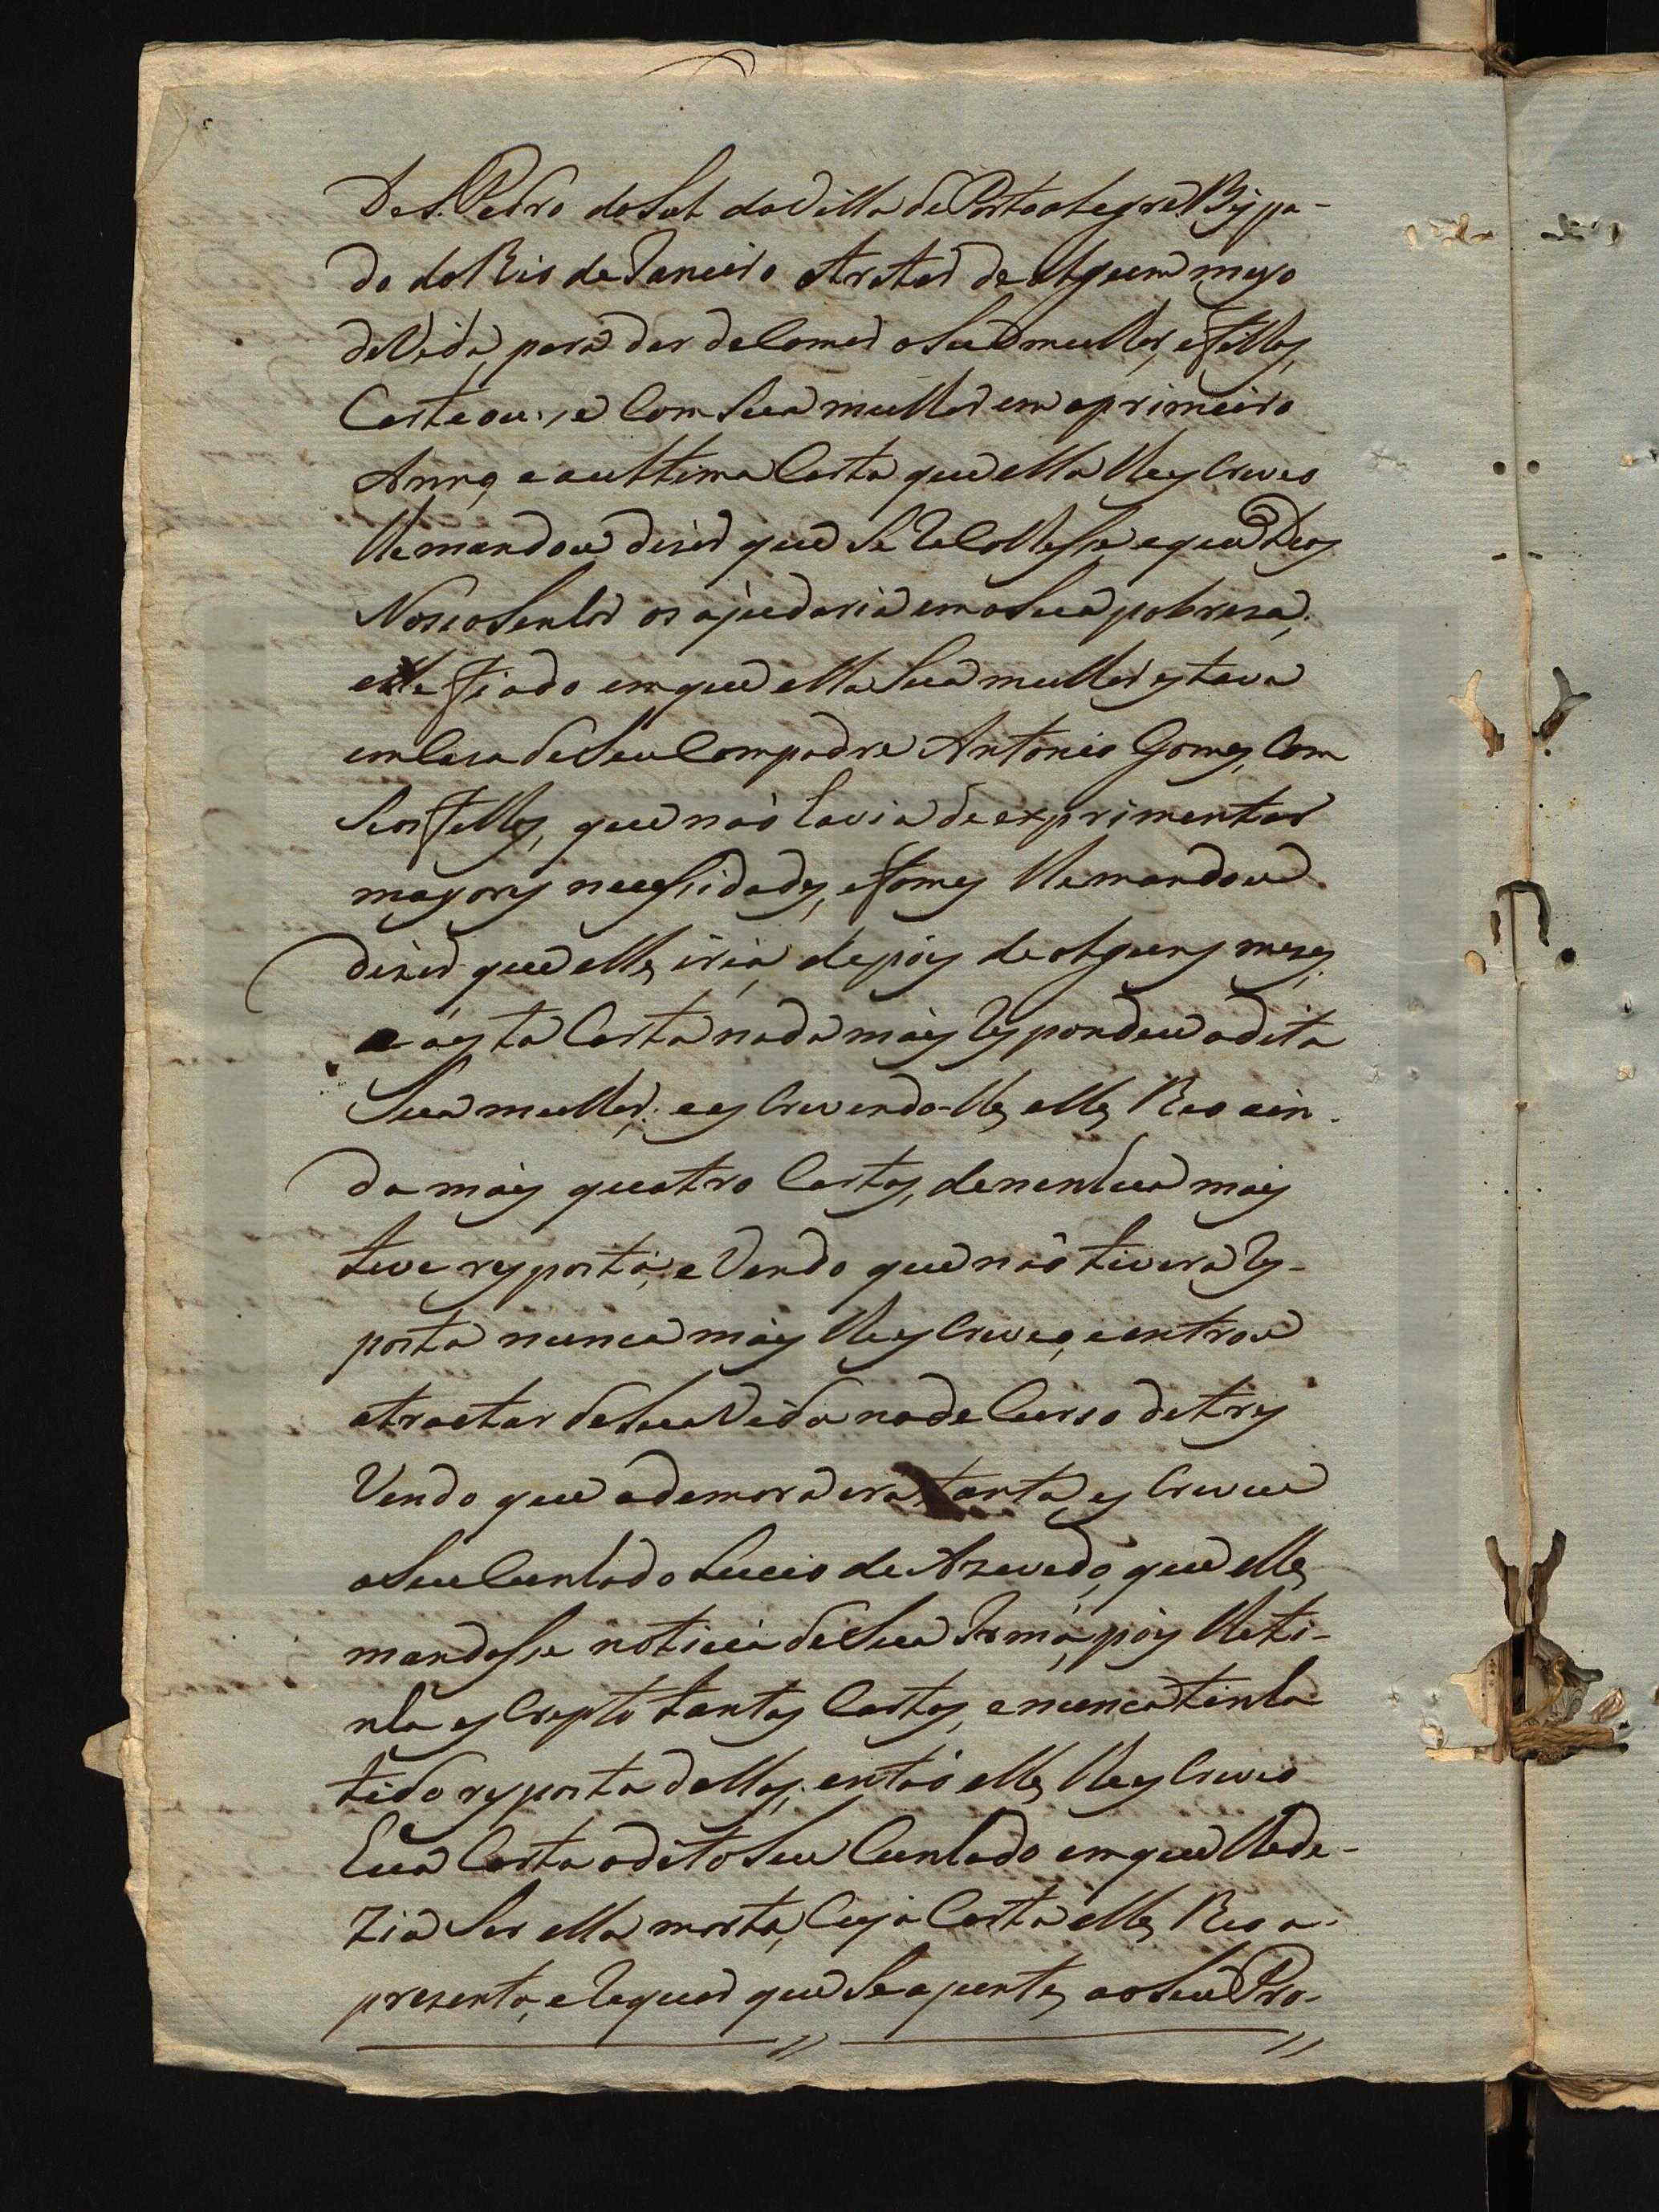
De S. Pedro do Sul da Villa de Porto alegre Bispa
do do Rio de Ianeiro a tratar de algum meyo
de Vida para dar de Comer a Sua mulher, e filhos,
Carteou-se Com Sua mulher em o primeiro
Anno, e a ultima Carta que ella lhe esCreveo
lhe mandou dizer que Se ReColhesse, e que Deos
Nosso Senhor os ajudaria em a Sua pobreza;
elle fiado em que ella Sua mulher estava
em Caza de Seu Compadre Antonio Gomes, Com
Seos felhos, que naõ havia de exprimentar
mayores necessidades, e fomes lhe mandou
dizer que elle iria, depois de alguns mezes;
_ á esta Carta nada mais Respondou a dita
Sua mulher; e esCrevendo-lhe elle Reo ain
da mais quatro Cartas, de nenhua mais
teve resposta, e Vendo que naõ tivera Res
posta nunca mais lhe esCreveo, e entrou
a tractar de Sua Vida no deCurso de tres
Vendo que a demora era tanta esCreveu
o Seu Cunhado Lucio de Azevedo, que elle
mandasse noticia de Sua Irmá, pois lhe ti
nha esCripto tantas Cartas, e nunca tinha
tido resposta dellas, entaõ elle lhe esCreveo
hua Carta o dito Seu Cunhado em que lhe de
Zia ser ella morta, Cuja Carta elle Reo a
prezenta, e Requer que se ajunte ao Seu Pro
